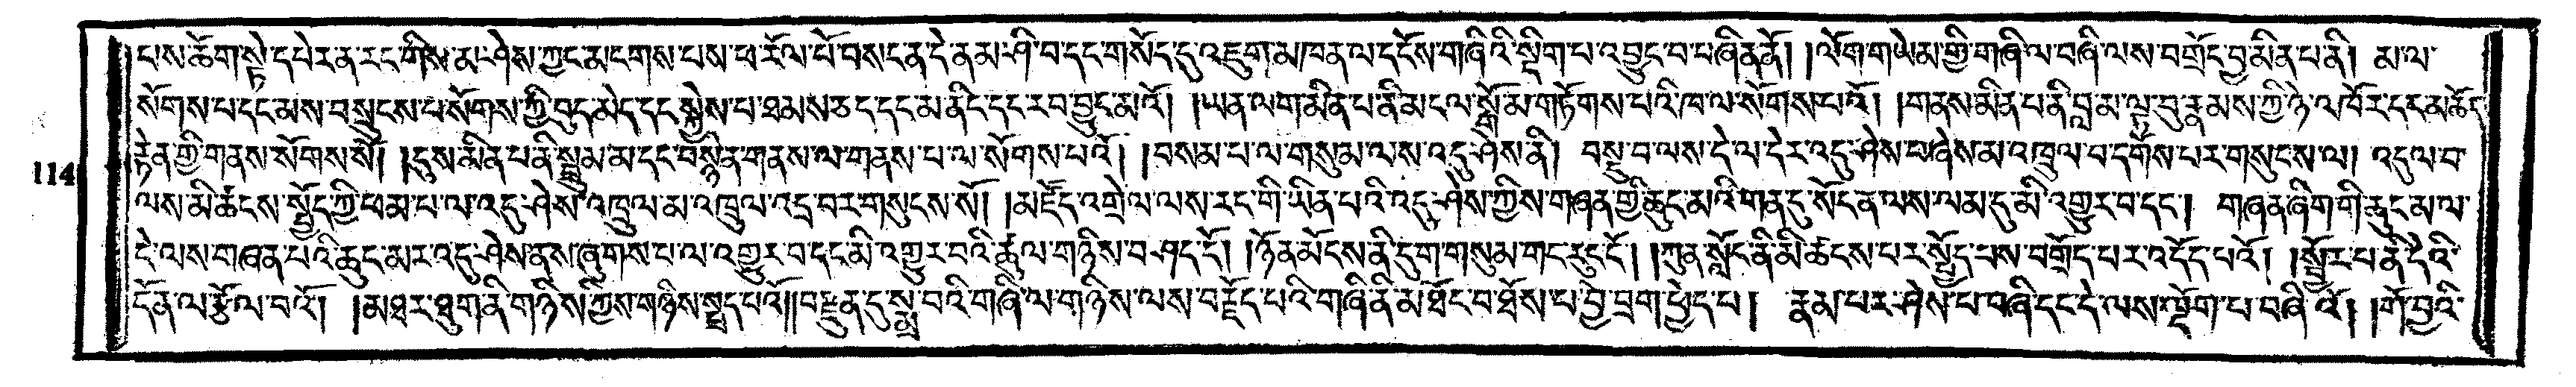པས་ཆོག་སྟེ་དཔེར་ན་རང་གིས་མ་ཤེས་ཀྱང་མངགས་པས་ཕ་རོལ་པོ་བསང་ན་དེ་ནམ་ཤི་བ་དང་གསོད་དུ་འཇུག་མཁན་ལ་དངོས་གཞིའི་སྡིག་པ་འབྱུང་བ་བཞིན་ནོ། །ལོག་གཡེམ་གྱི་གཞི་ལ་བཞི་ལས་བགྲོང་བྱ་མིན་པ་ནི། མ་ལ་
སོགས་པ་དང་མས་བསྲུངས་པ་སོགས་ཀྱི་བུད་མེད་དང་སྐྱེས་པ་ཐམས་ཅད་དང་མ་ནིང་དང་རབ་བྱུང་མའོ། །ཡན་ལག་མིན་པ་ནི་མངལ་སྒོ་མ་གཏོགས་པའི་ཁ་ལ་སོགས་པའོ། །གནས་མིན་པ་ནི་བླ་མ་ལྟ་བུ་རྣམས་ཀྱི་ཉེ་འཁོར་དང་མཆོད་
རྟེན་གྱི་གནས་སོགས་སོ། །དུས་མིན་པ་ནི་སྦྲུམ་མ་དང་བསྙེན་གནས་ལ་གནས་པ་ལ་སོགས་པའོ། །བསམ་པ་ལ་གསུམ་ལས་འདུ་ཤེས་ནི། བསྡུ་བ་ལས་དེ་ལ་དེར་འདུ་ཤེས་པ་ཞེས་མ་འཁྲུལ་བ་དགོས་པར་གསུངས་ལ། འདུལ་བ་
ལས་མི་ཚངས་སྤྱོད་ཀྱི་ཕམ་པ་ལ་འདུ་ཤེས་འཁྲུལ་མ་འཁྲུལ་འདྲ་བར་གསུངས་སོ། །མཛོད་འགྲེལ་ལས་རང་གི་ཡིན་པའི་འདུ་ཤེས་ཀྱིས་གཞན་གྱི་ཆུང་མའི་གན་དུ་སོང་ན་ལས་ལམ་དུ་མི་འགྱུར་བ་དང་། གཞན་ཞིག་གི་ཆུང་མ་ལ་
དེ་ལས་གཞན་པའི་ཆུང་མར་འདུ་ཤེས་ནས་ཞུགས་པ་ལ་འགྱུར་བ་དང་མི་འགྱུར་བའི་ཚུལ་གཉིས་བཤད་དོ། །ཉོན་མོངས་ནི་དུག་གསུམ་གང་རུང་ངོ ། །ཀུན་སློང་ནི་མི་ཚངས་པར་སྤྱོད་པས་བགྲོད་པར་འདོད་པའོ། །སྦྱོར་པ་ནི་དེའི་
དོན་ལ་རྩོལ་བའོ། །མཐར་ཐུག་ནི་གཉིས་ཀྱིས་གཉིས་སྤྲད་པའོ། །བརྫུན་དུ་སྨྲ་བའི་གཞི་ལ་གཉིས་ལས་བརྗོད་པའི་གཞི་ནི་མཐོང་བ་ཐོས་པ་བྱེ་བྲག་ཕྱེད་པ། རྣམ་པར་ཤེས་པ་བཞི་དང་དེ་ལས་ལྡོག་པ་བཞིའོ། །གོ་བྱའི་